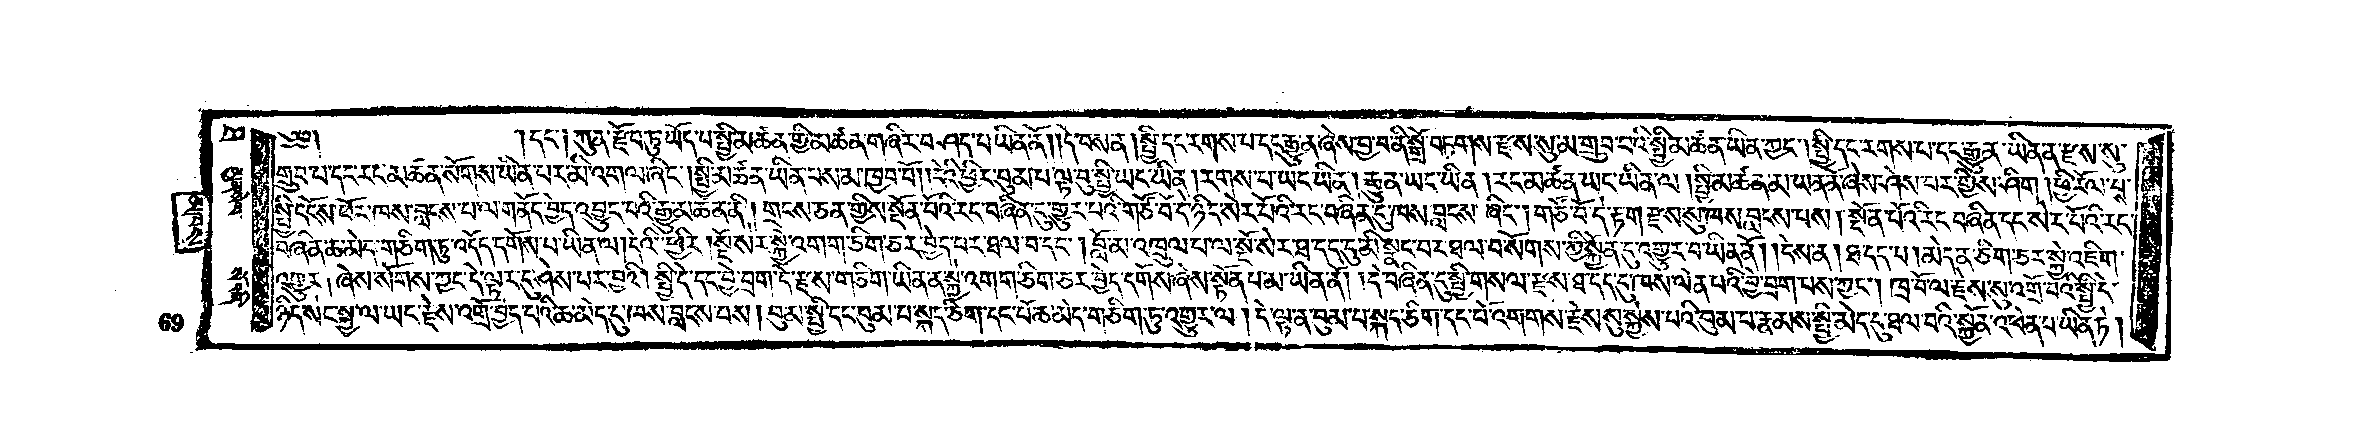༄༅། །དང་། ཀུན་རྫོབ་ཏུ་ཡོད་པ་སྤྱི་མཚན་གྱི་མཚན་གཞིར་བཤད་པ་ཡིན་ནོ། །དེ་བས་ན། སྤྱི་དང་རགས་པ་དང་རྒྱུན་ཞེས་བྱ་བ་ནི་སྒྲོ་བཏགས་རྫས་སུ་མ་གྲུབ་པའི་སྤྱི་མཚན་ཡིན་ཀྱང་། སྤྱི་དང་རགས་པ་དང་རྒྱུན་ཡིན་ན་རྫས་སུ་
གྲུབ་པ་དང་རང་མཚན་སོགས་ཡིན་པར་མི་འགལ་ཞིང་།སྤྱི་མཚན་ཡིན་པས་མ་ཁྱབ་པོ། །དེའི་ཕྱིར་བུམ་པ་ལྟ་བུ་སྤྱི་ཡང་ཡིན། རགས་པ་ཡང་ཡིན། རྒྱུན་ཡང་ཡིན། རང་མཚན་ཡང་ཡིན་ལ། སྤྱི་མཚན་མ་ཡིན་ནོ་ཞེས་ཤེས་པར་གྱིས་ཤིག །ཕྱི་རོལ་པས་
སྤྱི་དངོས་པོར་ཁས་བླངས་པ་ལ་གནོད་བྱེད་འབྱུང་བའི་རྒྱུ་མཚན་ནི། གྲངས་ཅན་གྱིས་སྔོན་པོའི་རང་བཞིན་དུ་གྱུར་པའི་གཙོ་བོ་དེ་ཉིད་སེར་པོའི་རང་བཞིན་དུ་ཁས་བླངས་ཞིང་། གཙོ་བོ་དེ་རྟག་རྫས་སུ་ཁས་བླངས་པས། སྔོན་པོའི་རང་བཞིན་དང་སེར་པོའི་རང་
བཞིན་ཆ་མེད་གཅིག་ཏུ་འདོད་དགོས་པ་ཡིན་ལ། དེའི་ཕྱིར། སྔོ་སེར་སྐྱེ་འགག་ཅིག་ཅར་བྱེད་པར་ཐལ་བ་དང་།བློ་མ་འཁྲུལ་པ་ལ་སྔོ་སེར་ཐ་དད་དུ་མི་སྣང་བར་ཐལ་བ་སོགས་ཀྱི་སྐྱོན་དུ་འགྱུར་བ་ཡིན་ནོ། །དེས་ན། ཐ་དད་པ། མེད་ན་ཅིག་ཅར་སྐྱེ་འཇིག་
འགྱུར། ཞེས་སོགས་ཀྱང་དེ་ལྟར་དུ་ཤེས་པར་བྱའི། སྤྱི་དེ་དང་བྱེ་བྲག་དེ་རྫས་གཅིག་ཡིན་ན་སྐྱེ་འགག་ཅིག་ཅར་བྱེད་དགོས་ཞེས་སྟོན་པ་མ་ཡིན་ནོ། །དེ་བཞིན་དུ་སྤྱི་གསལ་རྫས་ཐ་དད་དུ་ཁས་ལེན་པའི་བྱེ་བྲག་པས་ཀྱང་། ཁྲ་བོ་ལ་རྗེས་སུ་འགྲོ་བའི་སྤྱི་དེ་
ཉིད་སེར་སྐྱ་ལ་ཡང་རྗེས་འགྲོ་བྱེད་པའི་ཆ་མེད་དུ་ཁས་བླངས་པས། བུམ་སྤྱི་དང་བུམ་པ་སྐད་ཅིག་དང་པོ་ཆ་མེད་གཅིག་ཏུ་འགྱུར་ལ། དེ་ལྟ་ན་བུམ་པ་སྐད་ཅིག་དང་པོ་འགགས་རྗེས་སུ་སྐྱེས་པའི་བུམ་པ་རྣམས་སྤྱི་མེད་དུ་ཐལ་བའི་སྐྱོན་འཕེན་པ་ཡིན་ཏེ།